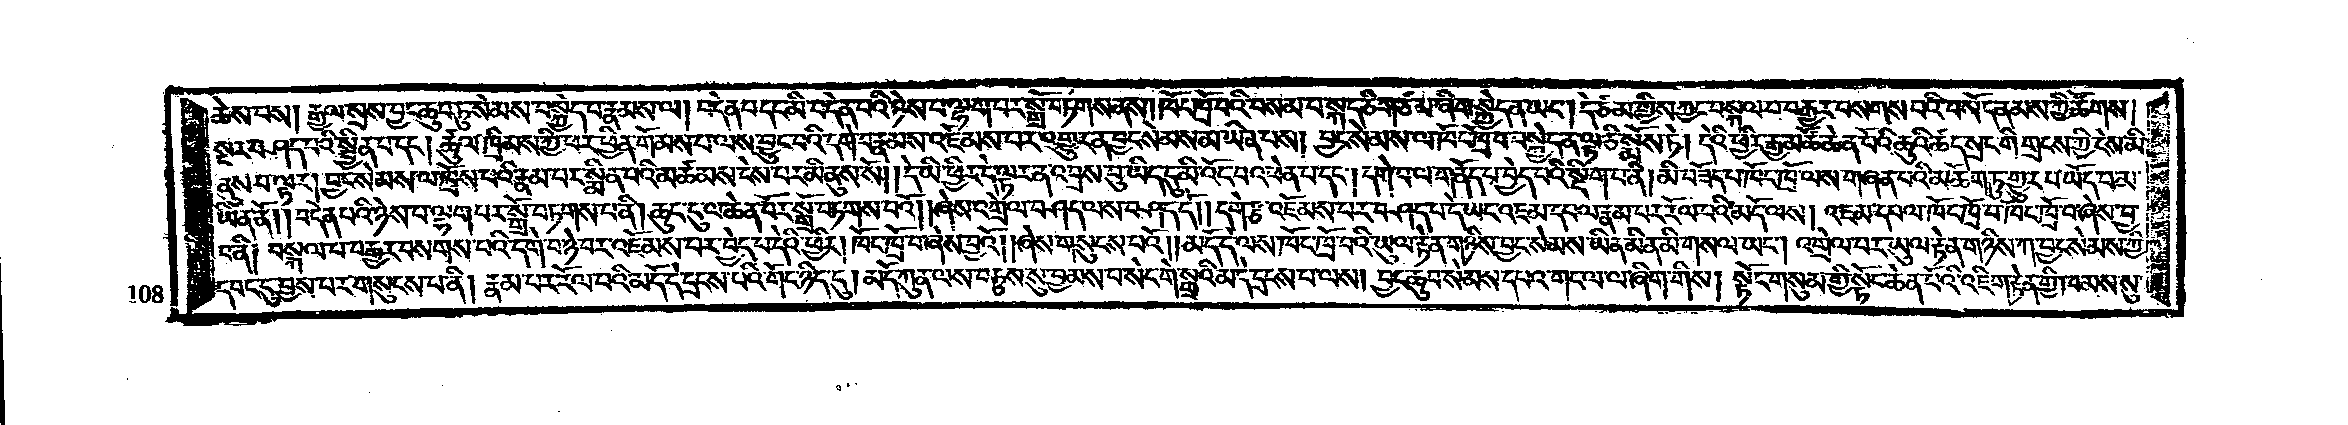ཆེས་པས། རྒྱལ་སྲས་བྱང་ཆུབ་ཏུ་སེམས་བསྐྱེད་པ་རྣམས་ལ། བདེན་པ་དང་མི་བདེན་པའི་ཉེས་པ་ལྷག་པར་སྒྲོ་བཏགས་ནས། ཁོང་ཁྲོ་བའི་བསམ་པ་སྐད་ཅིག་ཙམ་ཞི་བསྐྱེད་ན་ཡང་། དེ་ཙམ་གྱིས་ཀྱང་བསྐལ་བ་བརྒྱར་བསགས་པའི་བསོད་ནམས་ཀྱི་ཚོགས།
སྔར་བཤད་པའི་སྦྱིན་པ་དང་། ཚུལ་ཁྲིམས་ཀྱི་ཕར་ཕྱི་གོམས་པ་ལས་བྱུང་བའི་དགེ་བ་རྣམས་འཇོམས་པར་འགྱུར་ན་བྱང་སེམས་མ་ཡིན་པས། བྱང་སེམས་ལ་ཁོང་ཁྲོ་བ་བསྐྱེད་ན་ལྟ་ཅི་སྨོས་ཏེ། དེའི་ཕྱིར་རྒྱ་མཚོ་ཆེན་པོའི་ཆུའི་ཚད་སྲང་གི་གྲངས་ཀྱི་ངེས་མི་
ནུས་པ་ལྟར། བྱང་སེམས་ལ་ཁྲོས་པའི་རྣམ་པར་སྨིན་པའི་མཚམས་ངེས་པར་མི་ནུས་སོ། །དེ་ཡི་ཕྱིར་དེ་ལྟར་ན་འབྲས་བུ་ཡིད་དུ་མི་འོང་བ་འཕེན་པ་དང་། དགེ་བ་ལ་གནོད་པ་བྱེད་པའི་སྡིག་པ་ནི། མི་བཟོད་པ་ཁོང་ཁྲོ་ལས་གཞན་པའི་མཆོག་ཏུ་གྱུར་པ་ཡོད་པ་མ་
ཡིན་ནོ། །བདེན་པའི་ཉེས་པ་ལྷག་པར་སྒྲོ་བཏགས་པ་ནི། ཆུང་ངུ་ལ་ཆེན་པོར་སྒྲོ་བཏགས་པའོ། །ཞེས་འགྲེལ་བཤད་ལས་བཤད་དོ། །དགེ་རྩ་འཇོམས་པར་བཤད་པ་དེ་ཡང་འཇམ་དཔལ་རྣམ་པར་རོལ་པའི་མདོ་ལས། འཇམ་དཔལ་ཁོང་ཁྲོ་བ་ཁོང་ཁྲོ་བ་ཞེས་བྱ་
བ་ནི། བསྐལ་པ་བརྒྱར་བསགས་པའི་དགེ་བ་ཉེ་བར་འཇོམས་པར་བྱེད་པ་དེའི་ཕྱིར། ཁོང་ཁྲོ་བ་ཞེས་བྱའོ། །ཞེས་གསུངས་པའོ། །མདོ་དེ་ལས་ཁོང་ཁྲོ་བའི་ཡུལ་རྟེན་གཉིས་བྱང་སེམས་ཡིན་མིན་མི་གསལ་ཡང་། འགྲེལ་པར་ཡུལ་རྟེན་གཉིས་ཀ་བྱང་སེམས་ཀྱི་
དབང་དུ་བྱས་པར་གསུངས་པ་ནི། རྣམ་པར་རོལ་པའི་མདོ་དེ་དྲངས་པའི་གོང་ཉིད་དུ། མདོ་ཀུན་ལས་བཏུས་སུ་བྱམས་པ་སེང་གེ་སྒྲའི་མདོ་དྲངས་པ་ལས། བྱང་ཆུབ་སེམས་དཔའ་གང་ལ་ལ་ཞིག་གིས། སྟོང་གསུམ་གྱི་སྟོང་ཆེན་པོའི་འཇིག་རྟེན་གྱི་ཁམས་སུ་